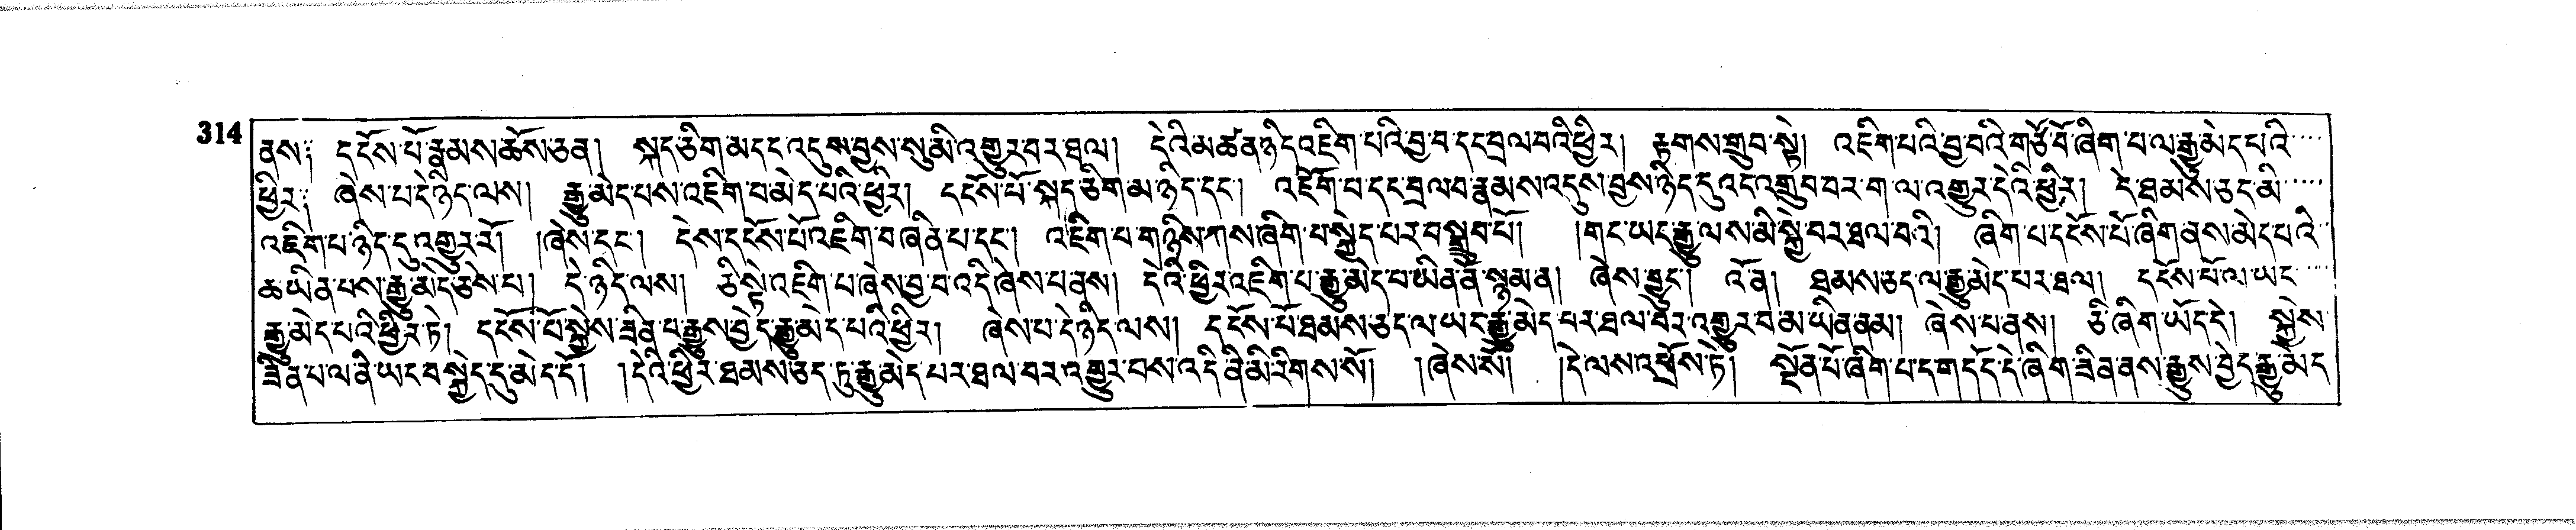ནས༑ དངོས་པོ་རྣམས་ཆོས་ཅན། སྐད་ཅིག་མ་དང་འདུས་བྱས་སུ་མི་འགྱུར་བར་ཐལ། དེའི་མཚན་ཉིད་འཇིག་པའི་བྱ་བ་དང་བྲལ་བའི་ཕྱིར། རྟགས་གྲུབ་སྟེ། འཇིག་པའི་བྱ་བའི་གཙོ་བོ་ཞིག་པ་ལ་རྒྱུ་མེད་པའི་
ཕྱིར༑ ཞེས་པ་དེ་ཉིད་ལས། རྒྱུ་མེད་པས་འཇིག་པ་མེད་པའི་ཕྱིར། དངོས་པོ་སྐད་ཅིག་མ་ཉིད་དང་། འཇོག་པ་དང་བྲལ་བ་རྣམས་འདུས་བྱས་ཉིད་དུའང་འགྲུབ་པར་ག་ལ་འགྱུར་དེའི་ཕྱིར། དེ་ཐམས་ཅད་མི་
འཇིག་པ་ཉིད་དུ་འགྱུར་རོ། །ཞེས་དང་། དེས་དངོས་པོ་འཇིག་བཞིན་པ་དང་། འཇིག་པ་གཉིས་ཀས་ཞིག་པ་སྐྱེད་པར་བསྒྲུབ་པོ། །གང་ཡང་རྒྱུ་ལས་མི་སྐྱེ་བར་ཐལ་བའི། ཞིག་པ་དངོས་པོ་ཞིག་ནས་མེད་པའི་
ཆ་ཡིན་པས་རྒྱུ་མེད་ཅེས་པ། དེ་ཉིད་ལས། ཅི་སྟེ་འཇིག་པ་ཞེས་བྱ་བ་འདི་ཞེས་པ་ནས། དེའི་ཕྱིར་འཇིག་པ་རྒྱུ་མེད་པ་ཡིན་ནོ་སྙམ་ན། ཞེས་བྱུང་། འོ་ན། ཐམས་ཅད་ལ་རྒྱུ་མེད་པར་ཐལ། དངོས་པོ་ལ་ཡང་
རྒྱུ་མེད་པའི་ཕྱིར་ཏེ། དངོས་པོ་སྐྱེས་ཟིན་པ་རྒྱུས་བྱེད་རྒྱུ་མེད་པའི་ཕྱིར། ཞེས་པ་དེ་ཉིད་ལས། དངོས་པོ་ཐམས་ཅད་ལ་ཡང་རྒྱུ་མེད་པར་ཐལ་བར་འགྱུར་བ་མ་ཡིན་ནམ། ཞེས་པ་ནས། ཅི་ཞིག་ཡོད་དེ། སྐྱེས་
ཟིན་པ་ལ་ནི་ཡང་བསྐྱེད་དུ་མེད་དོ། །དེའི་ཕྱིར་ཐམས་ཅད་ཏུ་རྒྱུ་མེད་པར་ཐལ་བར་འགྱུར་བས་འདི་ནི་མི་རིགས་སོ། །ཞེས་སོ། །དེ་ལས་འཕྲོས་ཏེ། སྔོན་པོ་ཞིག་པ་དག་དོད་དེ་ཞིག་ཟིན་ནས་རྒྱུས་བྱེད་རྒྱུ་མེད་